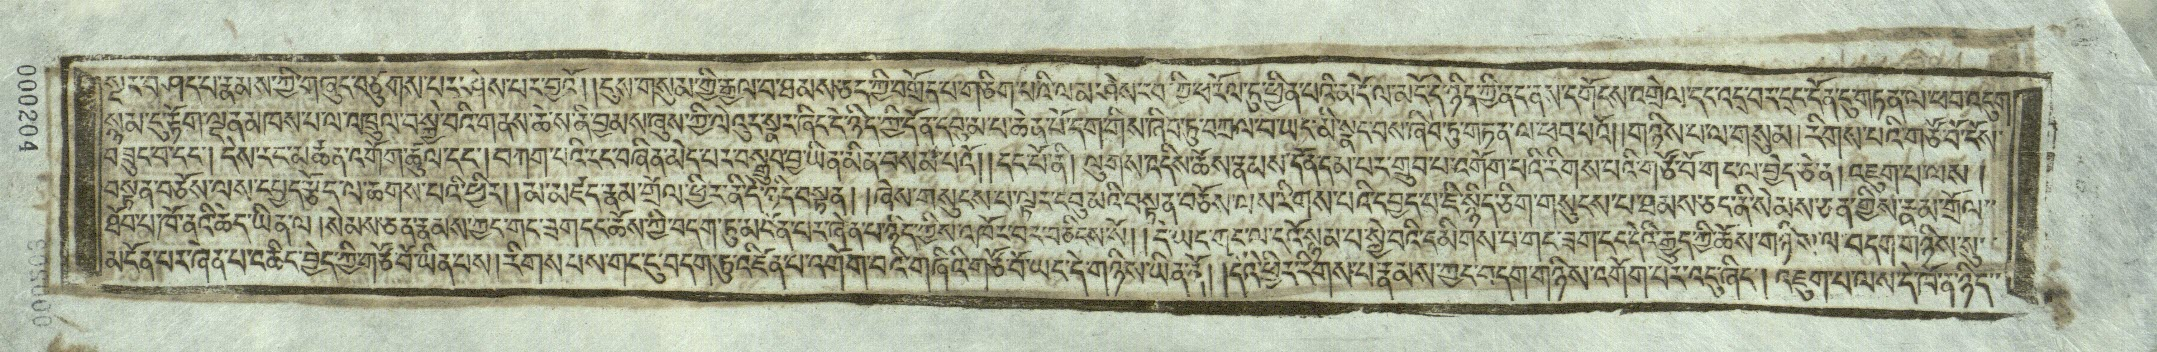སྔར་བཤད་པ་རྣམས་ཀྱི་གཞུང་བཅུགས་པར་ཤེས་པར་བྱའོ། །དུས་གསུམ་གྱི་རྒྱལ་བ་ཐམས་ཅད་ཀྱི་བགྲོད་པ་གཅིག་པའི་ལམ་ཤེས་རབ་ཀྱི་ཕ་རོལ་ཏུ་ཕྱིན་པའི་མདོ་ལ་མདོ་དེ་ཉིད་ཀྱི་ནང་ནས་དགོངས་འགྲེལ་དང་འདྲ་བར་དྲང་དོན་དུ་གཏན་ལ་ཕབ་འདུག་
སྙམ་དུ་རྟོག་ལྡན་མཁས་པ་ལ་འཁྲུལ་བ་སྐྱ་བའི་གནས་ཆེས་ནི་བྱམས་ཞུས་ཀྱི་ལེའུར་སྣང་ཞིང་དེ་ཉིད་ཀྱི་དོན་དབུ་མ་པ་ཆེན་པོ་དག་གིས་ཞིབ་ཏུ་བཀྲལ་བ་ཡང་མི་སྣང་བས་ཞིབ་ཏུ་གཏན་ལ་ཕབ་པའོ། །གཉིས་པ་ལ་གསུམ། རིགས་པའི་གཙོ་བོ་ངོས་
བཟུང་བ་དང་། དེས་རང་མཚན་འགོག་ཚུལ་དང་། བཀག་པའི་རང་བཞིན་མེད་པར་བསྒྲུབ་བྱ་ཡིན་མིན་བསམ་པའོ། །དང་པོ་ནི། ལུགས་འདིས་ཆས་རྣམས་དོན་དམ་པར་གྲུབ་པ་འགོག་པའི་རིགས་པའི་གཙོ་བོ་གང་ལ་བྱེད་ཅེ་ན། འཇུག་པ་ལས།
བསྟན་བཅོས་ལས་དཔྱད་རྩད་ལ་ཆགས་པའི་ཕྱིར། །མ་མཛད་རྣམ་གྲོལ་ཕྱིར་ནི་དེ་ཉིད་བསྟན། །ཞེས་གསུངས་པ་ལྟར་དབུ་མའི་བསྟན་བཅོས་ལས་རིགས་པའི་དཔྱད་པ་ཇི་སྙེད་ཅིག་གསུངས་པ་ཐམས་ཅད་ནི་སེམས་ཅན་གྱིས་རྣམ་གྲོལ་
ཐོབ་པ་ཁོ་ནའི་ཆེད་ཡིན་ལ། སེམས་ཅན་རྣམས་ཀྱང་གང་ཟག་དང་ཆོས་ཀྱི་བདག་ཏུ་མངོན་པར་ཞེན་པ་ཉིད་ཀྱིས་འཁོར་བར་བཅིངས་སོ། །དེ་ཡང་གང་ལ་ངའོ་སྙམ་པ་སྐྱེ་བའི་དམིགས་པ་གང་ཟག་དང་དེའི་རྒྱུད་ཀྱི་ཆོས་གཉིས་ལ་བདག་གཉིས་སུ་
མངོན་པར་ཞེན་པ་འཆིང་བྱེད་ཀྱི་གཙོ་བོ་ཡིན་བས། རིགས་པས་གང་དུ་བདག་ཏུ་འཛིན་པ་འགོག་པའི་གཞིའི་གཙོ་བོ་ཡང་དེ་གཉིས་ཡིན་ནོ། །དེའི་ཕྱིར་རིགས་པ་རྣམས་ཀྱང་བདག་གཉིས་འགོག་བར་འདུ་ཞིང་། འཇུག་པ་ལས་དེ་ཁོ་ན་ཉིད་